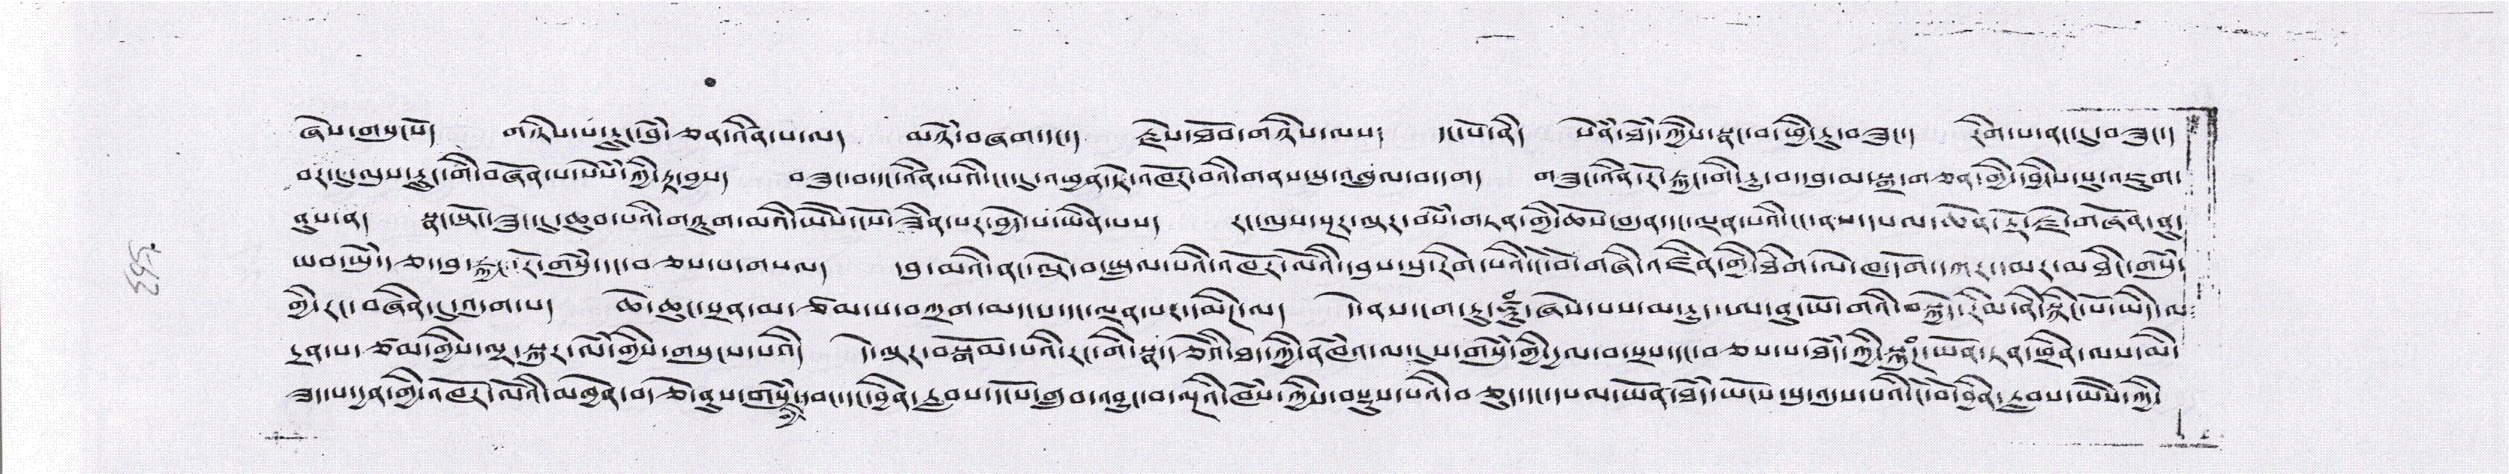ཞེས་གསུངས་སོ། གཉིས་པ་རླུང་བུམ་པ་ཅན་འཛིན་པ་ལ། མཉམ་གཞག་དང་རྗེས་ཐོབ་གཉིས་ལས། དང་པོ་ནི། སེམས་ཅན་ཐམས་ཅད་ཀྱིས། སྣང་བ་ཕྱི་རུ་བཟུང་། རིག་པ་ནང་དུ་བཟུང་། 
བར་དུ་ལུས་རླུང་གི་གཞོན་པ་སེམས་ཀྱི་རྟ་བྱས། གཟུང་བ་དང་འཛིན་པའི་ངང་དུ་འཕྱན་ཏེ་འཁོར་བའི་གནས་སུ་འཁྲུལ་པ་དག གཟུང་འཛིན་རོ་རྐྱང་གི་རྒྱུ་བ་དབུ་མ་སྒྲ་གཅན་གྱི་དབྱིངས་སུ་འཇུག་
ནུས་ན། སྣང་སྟོང་ཟུང་དུ་ཆུག་པའི་གཉུག་མའི་ཡེ་ཤེས་ངོས་ཟིན་པར་བྱེད་པ་ཡིན་པས་རང་ལུས་སྔར་ལྟར་བསམ་གཏན་གྱི་ཆོས་བདུན་དང་ལྡན་པའི་ངང་ནས་དཔལ་ཆེན་རྡོ་རྗེ་གཞོན་ནུ་
ཡབ་ཡུམ་རྩ་དབུ་རྐྱང་རོ་གསུམ་དང་བཅས་པ་གསལ། དབུ་མའི་ནང་ལྟེ་བ་སྤྲུལ་པའི་འཁོར་ལོའི་དབུས་སུ་རིག་པའི་ངོ་བོ་གཞི་འཛིན་གྱི་ཐིག་ལེ་ཁ་དོག་དཀར་དམར་མཐིང་གསུམ་
གྱི་རང་བཞིན་དུ་འདུག་པ། ཆེ་ཆུང་སྲན་མ་ཙམ་པ་བཀྲག་མདངས་དང་ལྡན་པར་དམིགས་ལ། དེ་ནས་ངག་ཏུ་ཧཱུཾཿཞེས་པས་མ་རྒྱུད་ཨ་ནུ་ཡོ་གའི་བསྐྱེད་རིམ་ནི་སྙིང་པོ་ཡིད་ལ་
དྲན་པ་ཙམ་གྱིས་ལྷ་སྐུར་ལམ་གྱིས་གསུངས་པའི། དེ་ལྟར་བསྒོམ་པའི་རང་གི་སྣ་རྩེའི་ཐད་ཀྱི་ནམ་མཁའ་ལ་དུས་གསུམ་གྱི་རྒྱལ་བ་སྲས་དང་བཅས་པ་ཐམས་ཅད་ཀྱི་སྐུ་གསུང་ཐུགས་ཡོན་ཏན་ཕྲིན་ལས་མི་
བཟད་པ་རྒྱན་གྱི་འཁོར་ལོའི་མཁྱེན་བརྩེ་ནུས་གསུམ་གྱི་དང་དང་བྱིན་རླབས་དངོས་གྲུབ་འབྱུང་བ་ལྔ་ཡི་ཁམས་ཀྱིས་བསྡུས་པའི་བཅུད་དང་དཔལ་ཡོན་ཐམས་ཅད་ཡོངས་སུ་འདུས་པའི་ངོ་བོ་བྱིན་རླབས་ཡེ་ཤེས་ཀྱི་